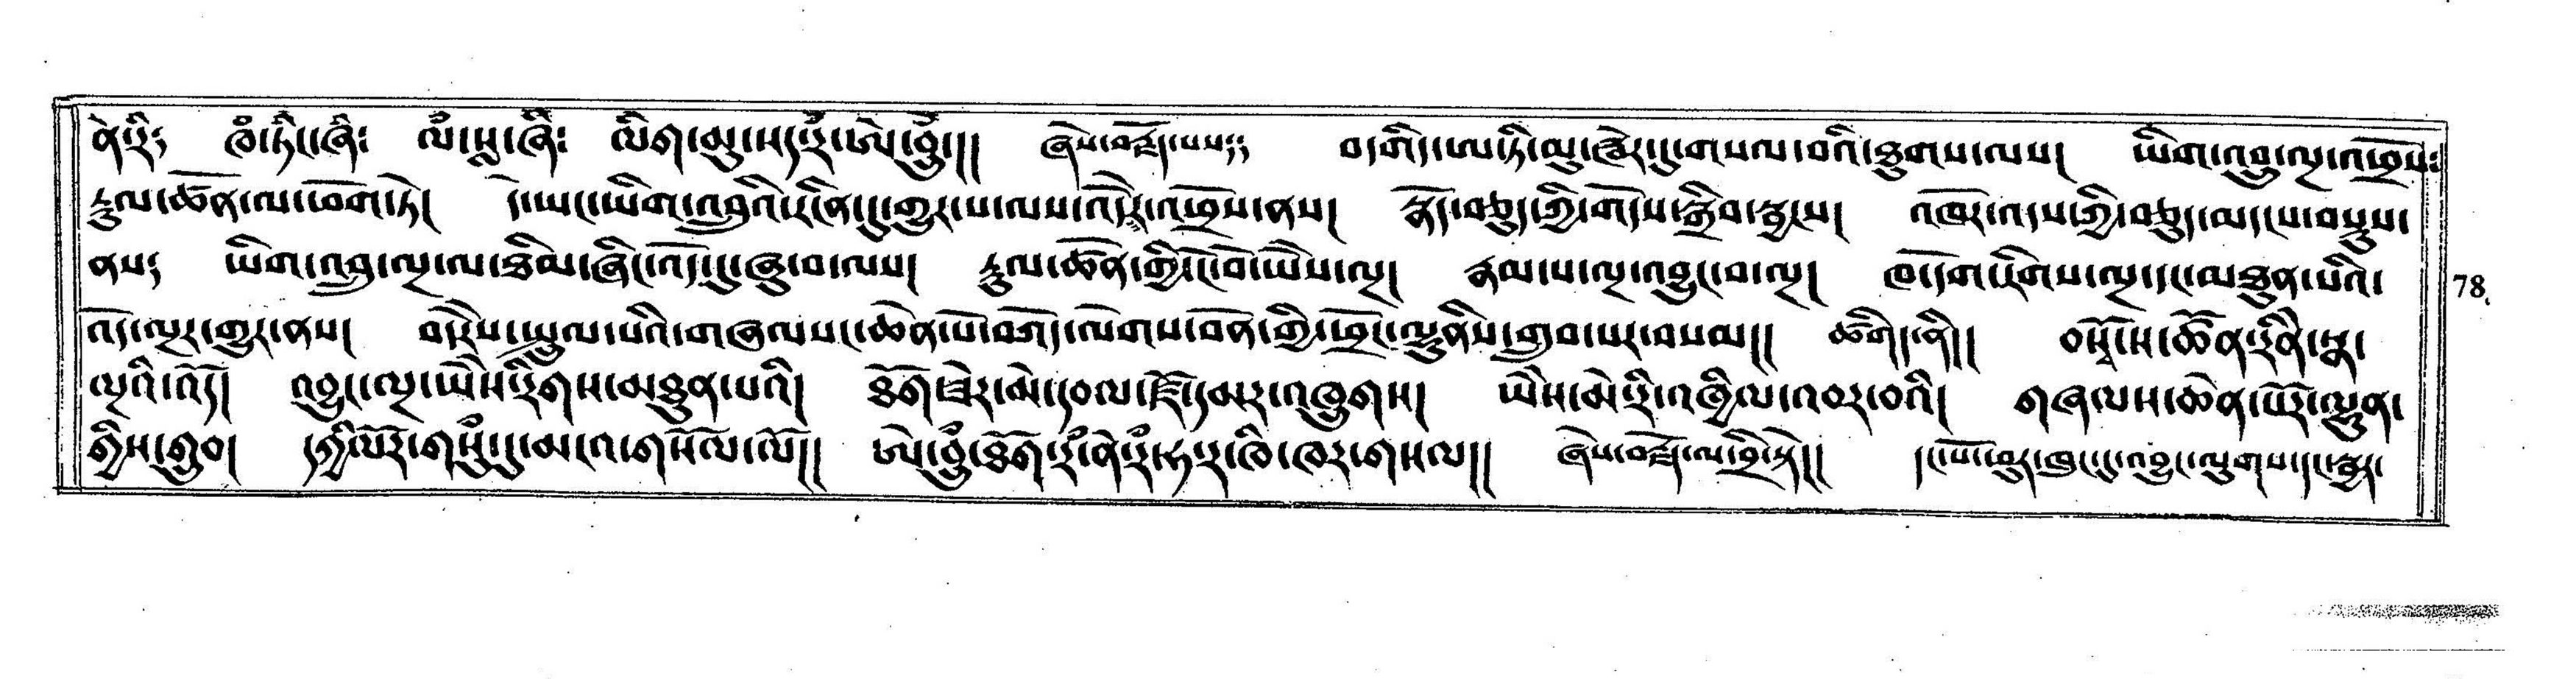ནེ་རི༴ ཁཾ་ཏིང་ཞི༴ ལཾ་སླ་ཞི༴ ལིག་མུ་སད་རཾ་ཨེ་བྲུཾ།། ཞེས་བརྗོད་པས བདག་ཉིད་ཨ་ཏི་མུ་ཝེར་དུ་གསལ་བའི་ཐུགས་ལས། ཡིག་འབྲུ་ལྔ་འཕྲོས་
རྡུལ་ཚོན་ལ་ཕོག་ཏེ། དེ་ཡང་ཡིག་འབྲུའི་རང་བཞིན་དུ་གྱུར་པ་ལས་འོད་ཟེར་འཕྲོས་ནས། སྣོད་བཅུད་ཀྱི་གདོས་སྒྲིབ་སྦྱངས། འཁོར་འདས་ཀྱི་བཅུད་མདངས་བསྡུས་
ནས། ཡིག་འབྲུ་ལྔ་ལ་ཐིམ་ཞིང་འོད་དུ་ཞུ་བ་ལས། རྡུལ་ཚོན་གྱི་ངོ་བོ་ཡེ་ཤེས་ལྔ། རྣམ་པ་ལྔ་འབྱུང་བ་ལྔ། ཁ་དོག་རིགས་ལྔ་དང་མཐུན་པའི་
འོད་ལྔར་གྱུར་ནས། བདེར་གཤེགས་སྤྲུལ་པའི་གཞལ་ཡས་ཁང་ཆེན་པོ་བཀོད་ལེགས་བོན་གྱི་ཕོ་བྲང་ལྷུན་གྱིས་གྲུབ་པར་བསམ།། ཚིག་བཤད་ནི།། བསྭོ་ས་ཚོན་རིན་ཆེན་སྣ་
ལྔའི་འོད། འབྱུང་ལྔ་ཡེ་ཤེས་རིགས་མཐུན་པའི། ཐོག་ཟེར་མེ་དབལ་ཛོ་དམར་འཁྲུགས། ཡེ་ཤེས་མེ་རི་འཁྱིལ་འབར་བའི། གཞལ་ཡས་ཆེན་པོར་ལྷུན་
གྱིས་གྲུབ། དཀྱིལ་འཁོར་གསུམ་དུ་མངའ་གསོལ་ལོ།། ཨེ་བྲུཾ་ཐོག་རཾ་ནེ་རཾ་ཧ་ར་ཁི་ཁར་གསལ།། ཞེས་བརྗོད་ལ་བྲི་སྟེ།། དང་པོ་ཕུར་ཁུང་དུ་འབྱུང་ལུགས་དང་སྦྱར་